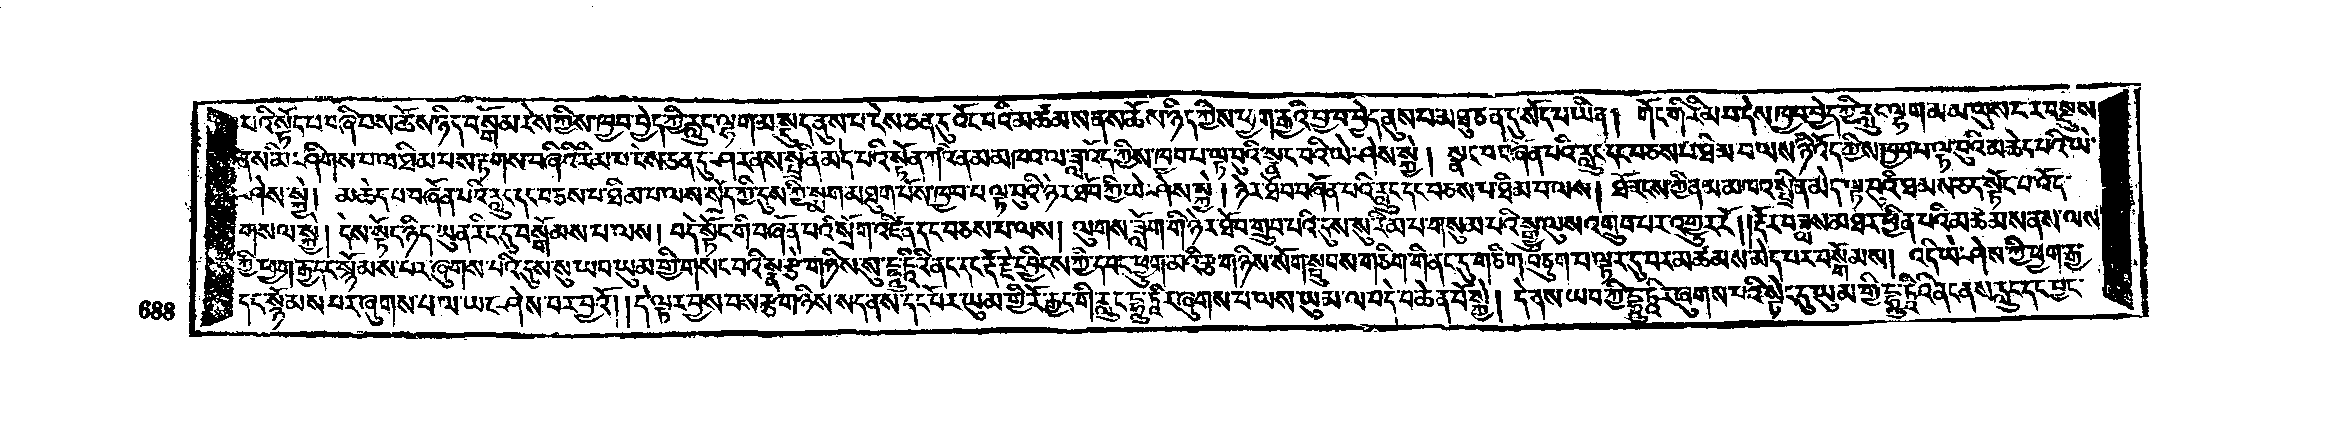པའི་སྟོང་པ་བཞི་པས་ཆོས་ཉིད་བསྒོམ་རེས་ཀྱིས་ཁྱབ་བྱེད་ཀྱི་རླུང་ལྷག་མ་སྡུད་ནུས་པ་ངེས་ཅན་དུ་འོང་བའི་མཚམས་ནས་ཆོས་ཉིད་ཀྱིས་ཕྱག་རྒྱའི་བྱ་བ་བྱེད་ནུས་པ་མཐུ་ཅན་དུ་སོང་བ་ཡིན། གོང་གི་རིམ་པ་དེས་ཁྱབ་བྱེད་ཀྱི་རླུང་ལྷག་མ་མ་ལུས་པར་བསྡུས་
ནས་མི་ཤིགས་པ་ལ་ཐིམ་པས་རྟགས་བཞིའི་རིམ་པ་ངེས་ཅན་དུ་ཤར་ནས་སྤྲིན་མེད་པའི་སྟོན་ཀའི་ནམ་མཁའ་ལ་ཟླ་འོད་ཀྱིས་ཁྱབ་པ་ལྟ་བུའི་སྣང་བའི་ཡེ་ཤེས་སྐྱེ། སྣང་བ་བཞོན་པའི་རླུང་དང་བཅས་པ་ཐིམ་པ་ལས་ཉི་འོད་ཀྱིས་ཁྱབ་པ་ལྟ་བུའི་མཆེད་པའི་ཡེ་
ཤེས་སྐྱེ། མཆེད་པ་བཞོན་པའི་རླུང་དང་བཅས་པ་ཐིམ་པ་ལས་སྲོད་ཀྱི་དུས་ཀྱི་སྨག་མཐུག་པོས་ཁྱབ་པ་ལྟ་བུའི་ཉེར་ཐོབ་ཀྱི་ཡེ་ཤེས་སྐྱེ། ཉེར་ཐོབ་བཞོན་པའི་རླུང་དང་བཅས་པ་ཐིམ་པ་ལས། ཐོ་རངས་ཀྱི་ནམ་མཁའ་སྤྲིན་མེད་ལྟ་བུའི་ཐམས་ཅད་སྟོང་པ་འོད་
གསལ་སྐྱེ། དེས་སྟོང་ཉིད་ཡུན་རིང་དུ་བསྒོམས་པ་ལས། བདེ་སྟོང་གི་བཞོན་པའི་སྲོག་འཛིན་དང་བཅས་པ་ལས། ལུགས་ཟློག་གི་ཉེར་ཐོབ་གྲུབ་པའི་དུས་སུ་རིམ་པ་གསུམ་པའི་སྒྱུ་ལུས་འགྲུབ་པར་འགྱུར་རོ། །རྡོར་བཟླས་མཐར་ཕྱིན་པའི་མཚམས་ནས་ལས་
ཀྱི་ཕྱག་རྒྱ་དང་སྙོམས་པར་ཞུགས་པའི་དུས་སུ་ཡབ་ཡུམ་གྱི་གསང་བའི་སྣ་རྩེ་གཉིས་སུ་དྷཱུ་ཏཱིའི་ནང་དང་རྡོ་རྗེ་དབྱིངས་ཀྱི་དབང་ཕྱུག་མའི་རྩ་གཉིས་སོག་སྦུབས་གཅིག་གི་ནང་དུ་གཅིག་བཅུག་པ་ལྟར་དུ་བར་མཚམས་མེད་པར་བསྒོམས། འདི་ཡེ་ཤེས་ཀྱི་ཕྱག་རྒྱ་
དང་སྙོམས་པར་ཞུགས་པ་ལ་ཡང་ཤེས་པར་བྱའོ། །དེ་ལྟར་བྱས་པས་རྩ་གཉིས་སད་ནས་དང་པོར་ཡུམ་གྱི་རོ་རྒྱང་གི་རླུང་དྷཱུ་ཏཱིར་ཞུགས་པ་ལས་ཡུམ་ལ་བདེ་བ་ཆེན་པོ་སྐྱེ། དེ་ནས་ཡབ་ཀྱི་དྷཱུ་ཏཱིར་ཞུགས་པའི་སྟེང་དུ་ཡུམ་གྱི་དྷཱུ་ཏཱིའི་ནང་ནས་རླུང་དང་བྱང་